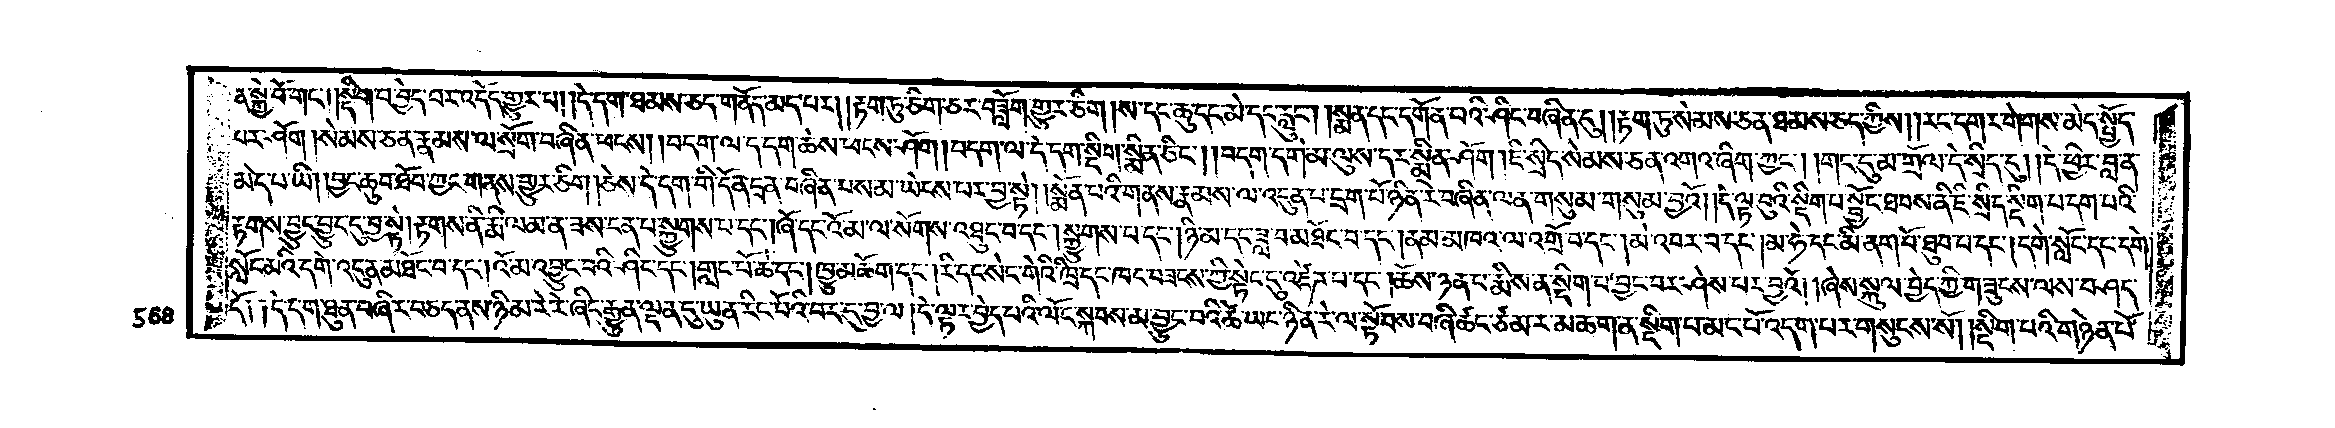ན་སྐྱེ་བོ་གང་། །སྡིག་པ་བྱེད་པར་འདོད་གྱུར་པ། །དེ་དག་ཐམས་ཅད་གནོད་མེད་པར། །རྟག་ཏུ་ཅིག་ཅར་བཟློག་གྱུར་ཅིག །ས་དང་ཆུ་དང་མེ་དང་རླུང་། །སྨན་དང་དགོན་པའི་ཤིང་བཞིན་དུ། །རྟག་ཏུ་སེམས་ཅན་ཐམས་ཅད་ཀྱིས། །རང་དགར་གེགས་མེད་སྤྱོད་
པར་ཤོག །སེམས་ཅན་རྣམས་ལ་སྲོག་བཞིན་ཕངས། །བདག་ལ་ད་དག་ཆེས་ཕངས་ཤོག །བདག་ལ་དེ་དག་སྡིག་སྨིན་ཅིང་། །བདག་དགི་མ་ལུས་དར་སྨིན་ཤོག །ཇི་སྲིད་སེམས་ཅན་འགའ་ཞིག་ཀྱང་། །གང་དུ་མ་གྲོལ་དེ་སྲིད་དུ། །དེ་ཕྱིར་བླ་ན་
མེད་པ་ཡི། །བྱང་ཆུབ་ཐོབ་ཀྱང་གནས་གྱུར་ཅིག །ཅེས་དེ་དག་གི་དོན་དྲན་བཞིན་པས་མ་ཡེངས་པར་བྱ་སྟེ། །སྨོན་པའི་གནས་རྣམས་ལ་འདུན་པ་དྲག་པོ་ཉིན་ར་བཞིན་ལན་གསུམ་གསུམ་བྱའོ། །དེ་ལྟ་བུའི་སྡིག་པ་སྦྱོང་ཐབས་ནི་ཇི་སྲིད་སྡིག་པ་དག་པའི་
རྟགས་བྱུང་བྱུང་དུ་བྱ་སྟེ། རྟགས་ནི་རྨི་ལམ་ན་ཟས་ངན་པ་སྐྱུགས་པ་དང་། ཞོ་དང་འོ་མ་ལ་སོགས་འཐུང་བ་དང་། སྐྱུགས་པ་དང་། ཉི་མ་དང་ཟླ་བ་མཐོང་བ་དང་། ནམ་མཁའ་ལ་འགྲོ་བ་དང་། མེ་འབར་བ་དང་། མ་ཧེ་དང་མི་ནག་པོ་ཐུབ་པ་དང་། དགེ་སློང་དང་དགེ་
སློང་མའི་དགེ་འདུན་མཐོང་བ་དང་། འོ་མ་འབྱུང་བའི་ཤིང་དང་། གླང་པོ་ཆེ་དང་། ཁྱུ་མཆོག་དང་། རི་དང་སེང་གེའི་ཁྲེ་དང་ཁང་བཟངས་ཀྱི་སྟེང་དུ་འཛེཌ་པ་དང་། ཆོས་ཉན་པ་རྨིས་ན་སྡིག་པ་བྱང་བར་ཤེས་པར་བྱའོ། །ཞེས་སྐུལ་བྱེད་ཀྱི་གཟུངས་ལས་བཤད་
དོ། །དེ་དག་ཐུན་བཞེར་བཅད་ནས་ཉི་མ་རེ་རེ་ཞིང་རྒྱུན་ལྡན་དུ་ཡུན་རིང་པོའི་བར་དུ་བྱ་ལ། དེ་ལྟར་བྱེད་པའི་ལོང་སྐབས་མ་བྱུང་བའི་ཚེ་ཡང་ཉིན་རེ་ལ་སྟོབས་བཞི་ཚང་ཙམ་ར་མ་ཆག་ན་སྡིག་པ་མང་པོ་འདག་པར་གསུངས་སོ། །སྡིག་པའི་གཉེན་པོ་